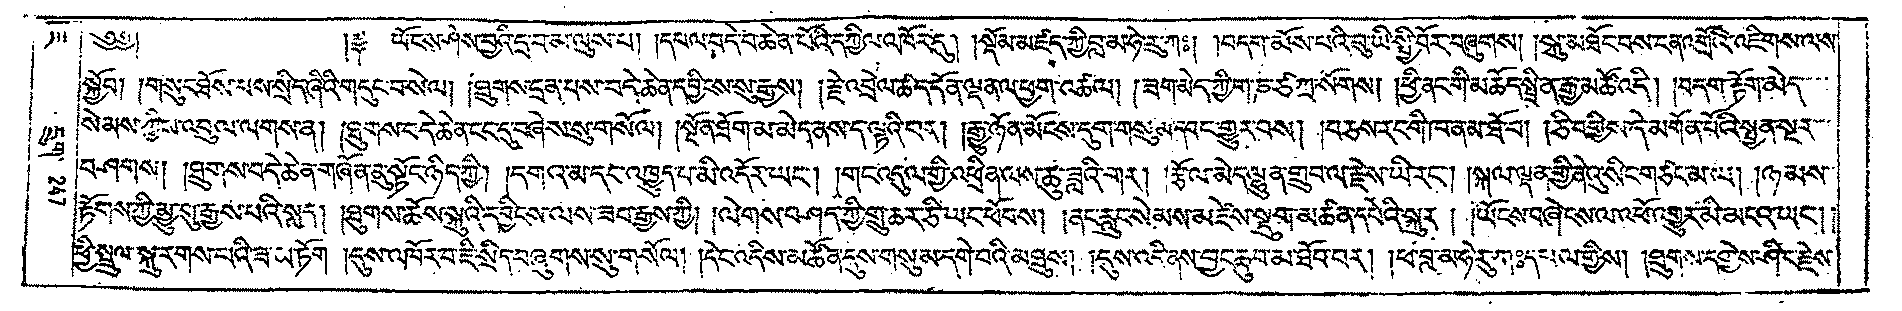༄༅། ། ༈ ཡོངས་ཤེས་བྱའི་དྲ་བ་མ་ལུས་པ། །དཔལ་བདེ་བ་ཆེན་པོའི་དཀྱིལ་འཁོར་དུ། །སྡོམ་མཛད་ཀྱི་བླ་མ་ཧེ་རུ་ཀཿ། །བདག་མོས་པའི་བུ་ཡི་སྤྱི་བོར་བཞུགས། །སྐུ་མཐོང་བས་ངན་འགྲོའི་འཇིགས་ལས་
སྐྱོབ། །གསུང་ཐོས་པས་སྲིད་ཞིའི་གདུང་བ་སེལ། །ཐུགས་དྲན་པས་བདེ་ཆེན་དབྱིངས་སུ་རྒྱས། །རྗེ་འབྲེལ་ཚད་དོན་ལྡན་ལ་ཕྱག་འཚལ། །ཟག་མེད་ཀྱི་ག་ཎ་ཙཀྲ་སོགས། །ཕྱི་ནང་གི་མཆོད་སྤྲིན་རྒྱ་མཚོ་འདི། །བདག་རྟོག་མེད་
སེམས་ཀྱིས་འབུལ་ལགས་ན། །ཐུགས་བདེ་ཆེན་ངང་དུ་བཞེས་སུ་གསོལ། །སྔོན་ཐོག་མ་མེད་ནས་ད་ལྟའི་བར། །རྒྱུ་ཉོན་མོངས་དུག་གསུམ་དབང་གྱུར་བས། །བཅས་རང་གི་ཁ་ན་མ་ཐོ་བ། །ཅི་བགྱིས་དེ་མགོན་པོའི་སྤྱན་སྔར་
བཤགས། །ཐུགས་བདེ་ཆེན་གཞོན་ནུ་སྟོང་ཉིད་ཀྱི། །དགའ་མ་དང་འཁྱུད་པ་མི་འདོར་ཡང་། །གང་འདུལ་གྱི་འཕྲིན་ལས་ཆུ་ཟླའི་གར། །རྩོལ་མེད་ལྷུན་གྲུབ་ལ་རྗེས་ཡི་རང་། །སྐལ་ལྡན་གྱི་ནེའུ་སིང་གཙང་མ་ལ། །ཉམས་
རྟོགས་ཀྱི་མྱུ་གུ་རྒྱས་པའི་སླད། །ཐུགས་ཆོས་སྐུའི་དབྱིངས་ལས་ཟབ་རྒྱས་ཀྱི། །ལེགས་བཤད་ཀྱི་གྲུ་ཆར་ཅི་ཡང་ཕོབས། །ནང་རླུང་སེམས་མཛེས་སྡུག་མཚན་དཔེའི་སྐུར། །ཡོངས་བཞེངས་ལ་འཕོ་འགྱུར་མི་མངའ་ཡང་། །
ཕྱི་སྤྲུལ་སྐུ་རགས་པའི་ཟ་མ་ཏོག །དུས་འཁོར་བ་ཇི་སྲིད་བཞུགས་སུ་གསོལ། །དེང་འདིས་མཚོན་དུས་གསུམ་དགེ་བའི་མཐུས། །དུས་འདི་ནས་བྱང་ཆུབ་མ་ཐོབ་བར། །ཕ་བླ་མ་ཧེ་རུ་ཀཿ དཔལ་གྱིས། །ཐུགས་དགྱེས་ཤིང་རྗེས་